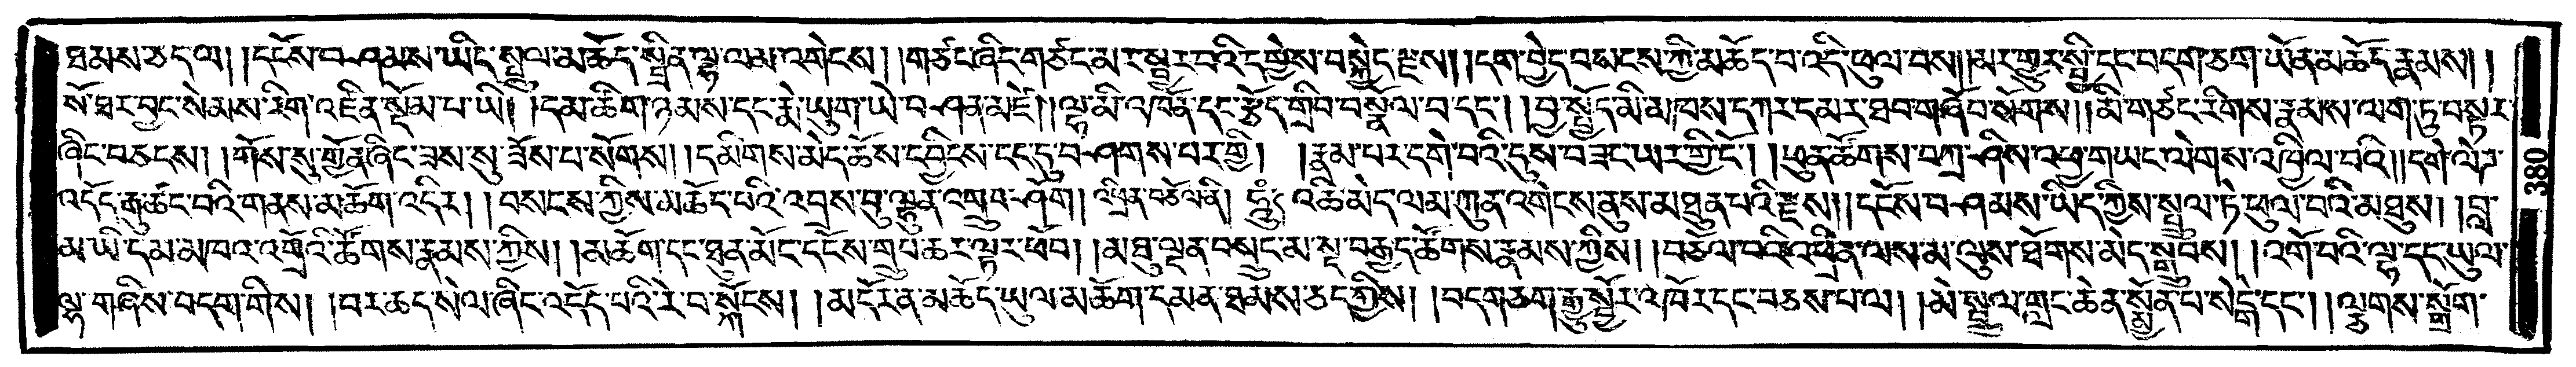ཐམས་ཅད་ལ། །དངོས་བཤམས་ཡིད་སྤྲུལ་མཆོད་སྤྲིན་ལྷ་ལམ་འགེངས། །གཙང་ཞིང་གཙང་མར་སྦྱར་བའི་དགྱེས་བསྐྱེད་རྫས། །དག་བྱེད་བསངས་ཀྱི་མཆོད་བ་འདི་ཕུལ་བས། །མར་གྱུར་སྤྱི་དང་བདག་ཅག་ཡོན་མཆོད་རྣམས། །
སོ་ཐར་བྱང་སེམས་རིག་འཛིན་སྡོམ་པ་ཡི། །དམ་ཚིག་ཉམས་དང་རྨེ་ཡུག་ཡེ་བཤན་མཛེ། །ལྷ་མི་འཁོན་དང་རྩོད་གྲིབ་བསྣོལ་བ་དང་། །བྱ་སྤྱོད་མི་མཁས་དཀར་དམར་ཐབ་གཞོ་བ་སོགས། །མི་གཙང་རིགས་རྣམས་ལག་ཏུ་བསྟར་
ཞིང་བཅངས། །གོས་སུ་གྱོན་ཞིང་ཟས་སུ་ཟོས་པ་སོགས། །དམིགས་མེད་ཆོས་དབྱིངས་ངང་དུ་བཤགས་པར་གྱི། །རྣམ་པར་དགེ་བའི་དུས་བཟང་ཡར་གྱི་ངོ། །ཕུན་ཚོགས་བཀྲ་ཤིས་འཕྱ་གཡང་ལེགས་འཁྱིལ་བའི། །དགེ་ལེགས་
འདོད་རྒུ་ཚང་བའི་གནས་མཆོག་འདིར། །བསངས་ཀྱིས་མཆོད་པའི་འབྲས་བུ་ལྷུན་འགྲུབ་ཤོག །འཕྲིན་བཅོལ་ནི། ཧཱུཾ། འཆི་མེད་ལམ་ཀུན་འགེངས་ནུས་མཐུན་པའི་རྫས། །དངོས་བཤམས་ཡིད་ཀྱིས་སྤྲུལ་ཏེ་ཕུལ་བའི་མཐུས། །བླ་
མ་ཡི་དམ་མཁའ་འགྲོའི་ཚོགས་རྣམས་ཀྱིས། །མཆོག་དང་ཐུན་མོང་དངོས་གྲུབ་ཆར་ལྟར་ཕོབ། །མཐུ་ལྡན་བསྲུང་མ་སྡ་བརྒྱད་ཚོགས་རྣམས་ཀྱིས། །བཅོལ་བའི་འཕྲིན་ལས་མ་ལུས་ཐོགས་མེད་སྒྲུབས། །འགོ་བའི་ལྷ་དང་ཡུལ་
ལྷ་གཞིས་བདག་གིས། །བར་ཆད་སེལ་ཞིང་འདོད་པའི་རེ་བ་སྐོངས། །མདོར་ན་མཆོད་ཡུལ་མཆོག་དམན་ཐམས་ཅད་ཀྱིས། །བདག་ཅག་རྒྱུ་སྦྱོར་འཁོར་དང་བཅས་པ་ལ། །མེ་སྦྲུལ་གླང་ཆེན་སྨྱོན་པ་སེངྒེ་དང་། །ལྕགས་སྒྲོག་